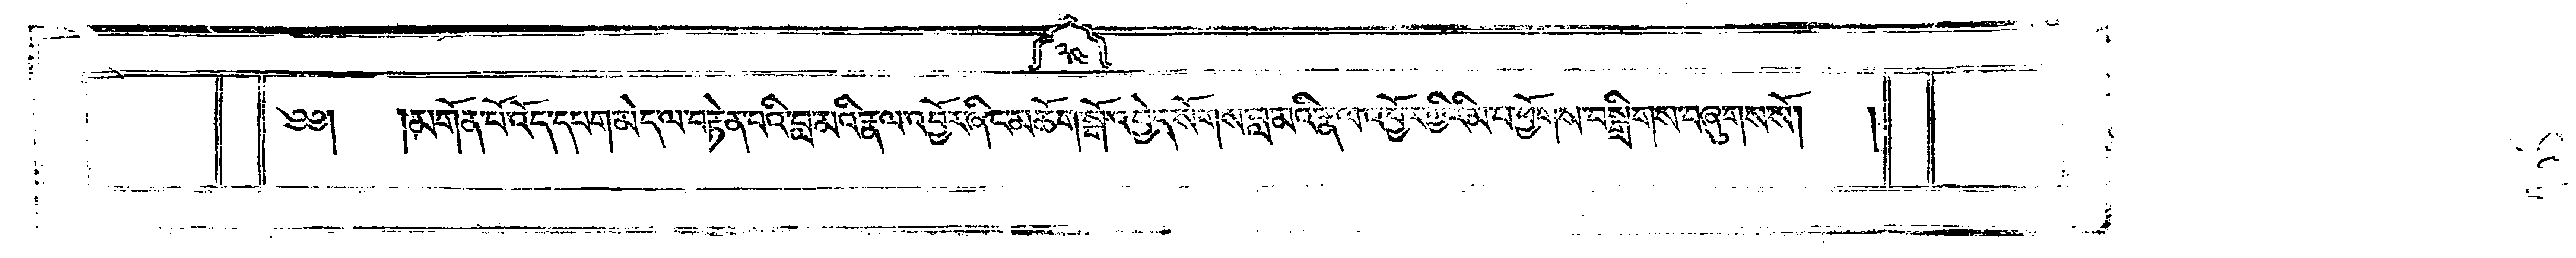༄༅། །མགོན་པོ་འོད་དཔག་མེད་ལ་བརྟེན་པའི་བླ་མའི་རྣལ་འབྱོར་ཞིང་མཆོག་སྒོ་འབྱེད་སོགས་བླ་མའི་རྣལ་འབྱོར་གྱི་རིམ་པ་ཕྱོགས་བསྒྲིགས་བཞུགས་སོ། །